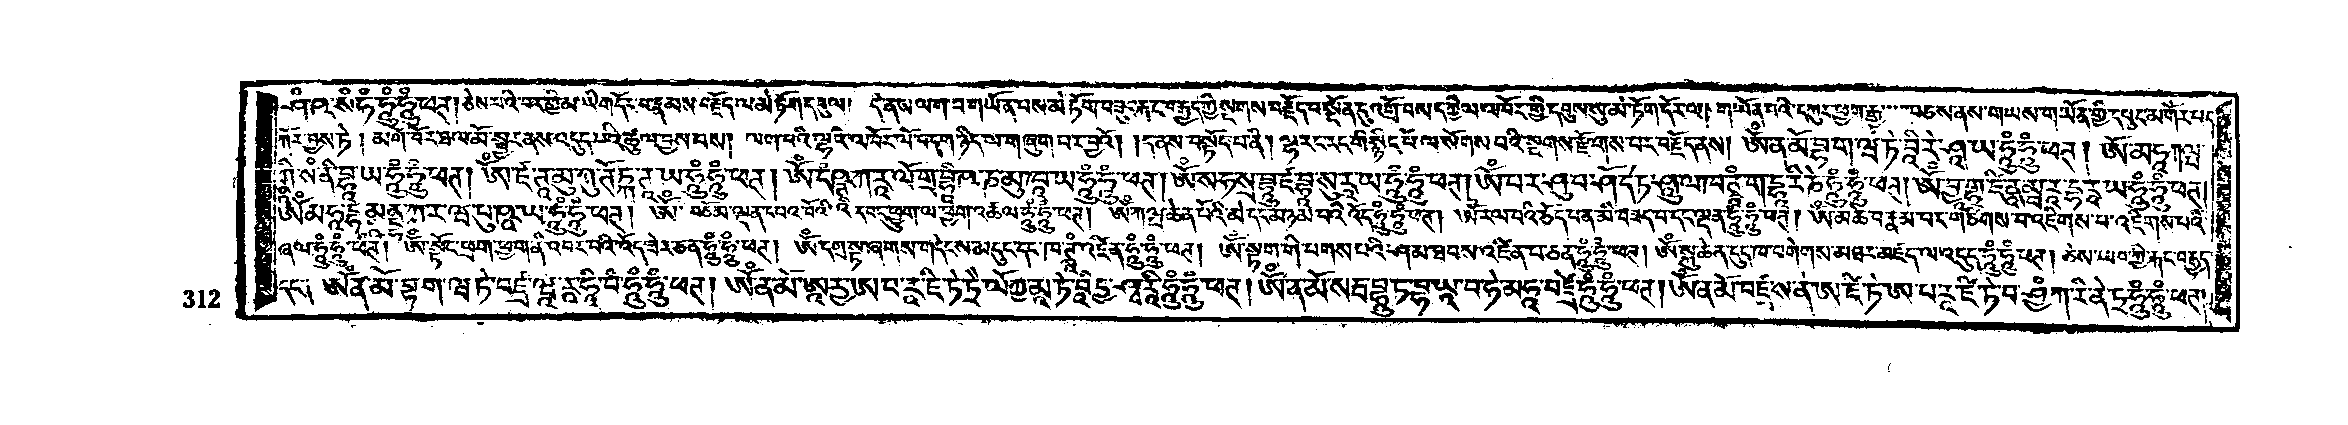ཤཾ་ཥཾ་སཾ་ཧཾ་ཧཱུཾ་ཧཱུཾ་ཕཊ། ཅེས་པའི་བར་གྱི་མ་ཡིག་དོར་བ་རྣམས་བརྗོད་ལ་མེ་ཏོག་དབུལ། དེ་ནས་ལག་པ་གཡོན་པས་མེ་ཏོག་བཟུང་རྐང་བརྒྱད་ཀྱི་སྔགས་བརྗོད་པ་སྔོན་དུ་འགྲོ་བས་དཀྱིལ་འཁོར་གྱི་དབུས་སུ་མེ་ཏོག་དོར་ལ། གཡོན་པའི་དཀུར་ཕྱག་རྒྱ་བཅས་ནས་གཡས་གཡོན་གྱི་དཔུང་མགོར་པད་
ཀོར་བྱས་ཏེ། མགོ་བོར་ཐལ་མོ་སྦྱར་ནས་འདུད་པའི་ཚུལ་བྱས་པས། ལག་པའི་ལྷའི་འཁོར་ལོ་བདག་ཉིད་ལ་གཞུག་པར་བྱའོ། །དེ་ནས་བསྟོད་པ་ནི། ལྷ་རང་རང་གི་སྙིང་པོ་ལ་སོགས་པའི་སྔགས་རྫོགས་པར་བརྗོད་ནས། ཨོཾ་ན་མོ་བྷ་ག་ཝ་ཏེ་བཱི་རེ་ཤཱ་ཡ་ཧཱུཾ་ཧཱུཾ་ཕཊ། ཨོཾ་མཧཱ་ཀ་ལྤ་
ཀྲཱི་?་སཾ་ནི་བྷཱ་ཡ་ཧཱུཾ་ཧཱུཾ་ཕཊ། ཨོཾ་ཛ་ཊཱ་མུ་ཀུ་ཊོ་ཏྐ་ཊཱ་ཡ་ཧཱུཾ་ཧཱུཾ་ཕཊ། ཨོཾ་དཥ་ཀ་རཱ་ལོ་གྲ་བྷཱི་ཥ་ཎ་མུ་ཁཱ་ཡ་ཧཱུཾ་ཧཱུཾ་ཕཊ། ཨོཾ་ས་ཧ་སྲ་བྷཱུ་ཛ་བྷཱ་སུ་རཱ་ཡ་ཧཱུཾ་ཧཱུཾ་ཕཊ། ཨོཾ་པ་ར་ཤུ་པ་ཤོ་དེ་ཏ་ཤཱུ་ལ་ཁ་ཊྭཱཾ་ག་དྷཱ་རི་ཎེ་ཧཱུཾ་ཧཱུཾ་ཕཊ། ཨོཾ་བྱཱ་གྷ་ཛི་ནཱ་མྦ་རཱ་དྷ་རཱ་ཡ་ཧཱུཾ་ཧཱུཾ་ཕཊ།
ཨོཾ་མཧཱ་དྷཱུ་མྦཱནྡྷ་ཀཱ་ར་ཝ་པུ་ཥཱ་ཡ་ཧཱུཾ་ཧཱུཾ་ཕཊ། ཨོཾ་བཅོམ་ལྡན་དཔའ་བོའི་དབང་ཕྱུག་ལ་ཕྱག་འཚལ་ཧཱུཾ་ཧཱུཾ་ཕཊ། ཨོཾ་ཀལྤ་ཆེན་པོའི་མེ་དང་མཉམ་པའི་འོད་ཧཱུཾ་ཧཱུཾ་ཕཊ། ཨོཾ་རལ་པའི་ཅོད་པན་མི་བཟད་པ་དང་ལྡན་ཧཱུཾ་ཧཱུཾ་ཕཊ། ཨོཾ་མཆེ་བ་རྣམ་པར་གཙིགས་པ་འཇིགས་པ་འཇིགས་པའི་
ཞལ་ཧཱུཾ་ཧཱུཾ་ཕཊ། ཨོཾ་སྟོང་ཕྲག་ཕྱག་ནི་འབར་བའི་འོད་ཟེར་ཅན་ཧཱུཾ་ཧཱུཾ་ཕཊ། ཨོཾ་དགྲ་སྟ་ཞགས་གདེངས་མདུང་དང་ཁ་ཊྭཱཾ་འཛིན་ཧཱུཾ་ཧཱུཾ་ཕཊ། ཨོཾ་སྟག་གི་པགས་པའི་ཤམ་ཐབས་འཛིན་པ་ཅན་ཧཱུཾ་ཧཱུཾ་ཕཊ། ཨོཾ་སྐུ་ཆེན་དུད་ཁ་བགེགས་མཐར་མཛད་ལ་འདུད་ཧཱུཾ་ཧཱུཾ་ཕཊ། ཅེས་ཡབ་ཀྱི་རྐང་བརྒྱད་
དང་། ཨོཾ་ན་མོ་བྷ་ག་ཝ་ཏེ་བཛྲ་ཝཱ་རཱ་ཧཱི་པཾ་ཧཱུཾ་ཧཱུཾ་ཕཊ། ཨོཾ་ན་མོ་ཨཱ་རྱ་ཨ་པ་རཱ་ཇི་ཏེ་ཏྲཻ་ལོཀྱ་མཱ་ཏེ་བཱིདྱ་ཤྭ་རཱི་ཧཱུཾ་ཧཱུཾ་ཕཊ། ཨོཾ་ན་མོ་སརྦ་བྷཱུ་ཏ་བྷ་ཡཱ་བ་ཧེ་མཧཱ་བཛྲེ་ཧཱུཾ་ཧཱུཾ་ཕཊ། ཨོཾ་ན་མོ་བཛྲས་ནེ་ཨ་ཛི་ཏེ་༑ཨ་པ་རཱ་ཛི་ཏེ་བ་ཤྱཾ་ཀ་རི་ནི་ཏྲ་ཧཱུཾ་ཧཱུཾ་ཕཊ།